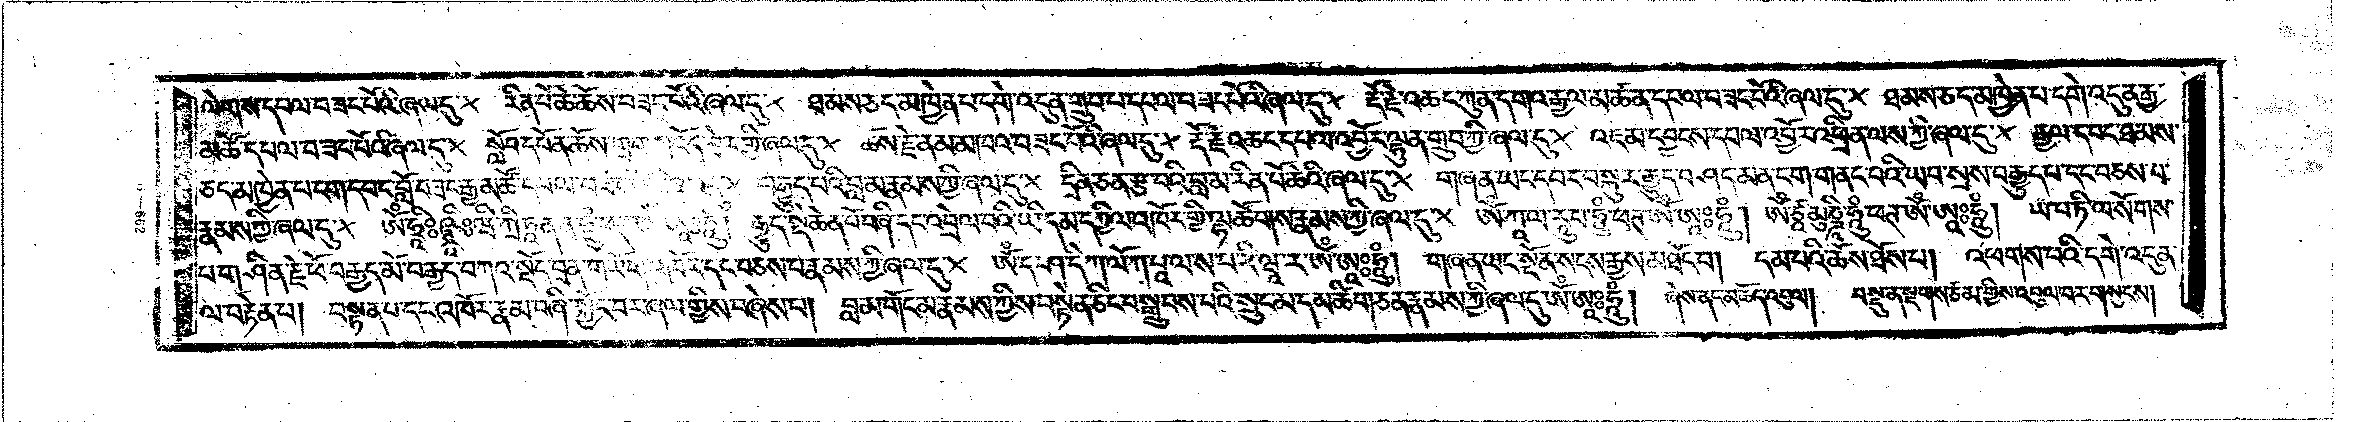ལེགས་དཔལ་བཟང་པོའི་ཞལ་དུ྾་རིན་པོ་ཆེ་ཆོས་བཟང་པོའི་ཞལ་དུ྾་ཐམས་ཅད་མཁྱེན་པ་དགེ་འདུན་གྲུབ་པ་དཔལ་བཟང་པོའི་ཞལ་དུ྾་རྡོ་རྗེ་འཆང་ཀུན་དགའ་རྒྱལ་མཚན་དཔལ་བཟང་པོའི་ཞལ་དུ྾་ཐམས་ཅད་མཁྱེན་པ་དགེ་འདུན་རྒྱ་
མཚོ་དཔལ་བཟང་པོའི་ཞལ་དུ྾་སློབ་དཔོན་ཆོས་གྲགས་འོད་ཟེར་གྱི་ཞལ་དུ྾་ཆོས་རྗེ་ནམ་མཁའ་བཟང་པོའི་ཞལ་དུ྾་རྡོ་རྗེ་འཆང་དཔལ་འབྱོར་ལྷུན་གྲུབ་ཀྱི་ཞལ་དུ྾་འཇམ་དབྱངས་དཔལ་འབྱོར་འཕྲིན་ལས་ཀྱི་ཞལ་དུ྾་རྒྱལ་དབང་ཐམས་
ཅད་མཁྱེན་པ་ངག་དབང་བློ་བཟང་རྒྱ་མཚོ་དཔལ་བཟང་པོའི་ཞལ་དུ྾་བརྒྱུད་པའི་བླ་མ་རྣམས་ཀྱི་ཞལ་དུ྾་དྲིན་ཅན་རྩ་བའི་བླ་མ་རིན་པོ་ཆེའི་ཞལ་དུ྾་གཞན་ཡང་དབང་བསྐུར་རྒྱུད་བཤད་མན་ངག་གནང་བའི་ཡབ་སྲས་བརྒྱུད་པ་དང་བཅས་པ་
རྣམས་ཀྱི་ཞལ་དུ྾་ཨོཾ་ཧྲཱིཿཥྚྲཱིཿཝི་ཀྲི་ཏཱ་ན་ན་ཧཱུཾ་ཕཊ་ཨོཾ་ཨཱཿ ཧཱུཾ། རྒྱུད་སྡེ་ཆེན་པོ་བཞི་དང་འབྲེལ་བའི་ཡི་དམ་དཀྱིལ་འཁོར་གྱི་ལྷ་ཚོགས་རྣམས་ཀྱི་ཞལ་དུ྾་ཨོཾ་ཀཱ་ལ་རཱུ་པ་ཧཱུཾ་ཕཊ་ཨོཾ་ཨཱཿཧཱུཾ། ཨོཾ་ཙཱ་མུཎྜཱི་ཧཱུཾ་ཕཊ་ཨོཾ་ཨཱཿཧཱུཾ། ཡ་པ་ཏི་ལ་སོགས་
པ་གཤིན་རྗེ་ཕོ་བརྒྱད་མོ་བརྒྱད་བཀའ་སྡོད་བྲན་གཡོག་འཁོར་དང་བཅས་པ་རྣམས་ཀྱི་ཞལ་དུ྾་ཨོཾ་ད་ཤ་དི་ཀ་ལོ་ཀ་པཱ་ལ་ས་པ་རི་ཝཱ་ར་ཨོཾ་ཨཱཿཧཱུཾ། གཞན་ཡང་སྔོན་སངས་རྒྱ་མཐོང་བ། དམ་པའི་ཆོས་ཐོས་པ། འཕགས་པའི་དགེ་འདུན་
ལ་བརྟེན་པ། བསྟན་པ་དང་འཁོར་རྣམ་བཞི་སྐྱོང་པར་ཞལ་གྱིས་བཞེས་པ། བླ་མ་གོང་མ་རྣམས་ཀྱིས་བསྟེན་ཅིང་བསྒྲུབས་པའི་སྲུང་མ་དམ་ཚིག་ཅན་རྣམས་ཀྱི་ཞལ་དུ་ཨོཾ་ཨཱཿཧཱུཾ། ཞེས་ནང་མཆོད་འབུལ། བསྡུ་ན་སྔགས་ཙམ་གྱིས་འབུལ་བར་གསུངས།